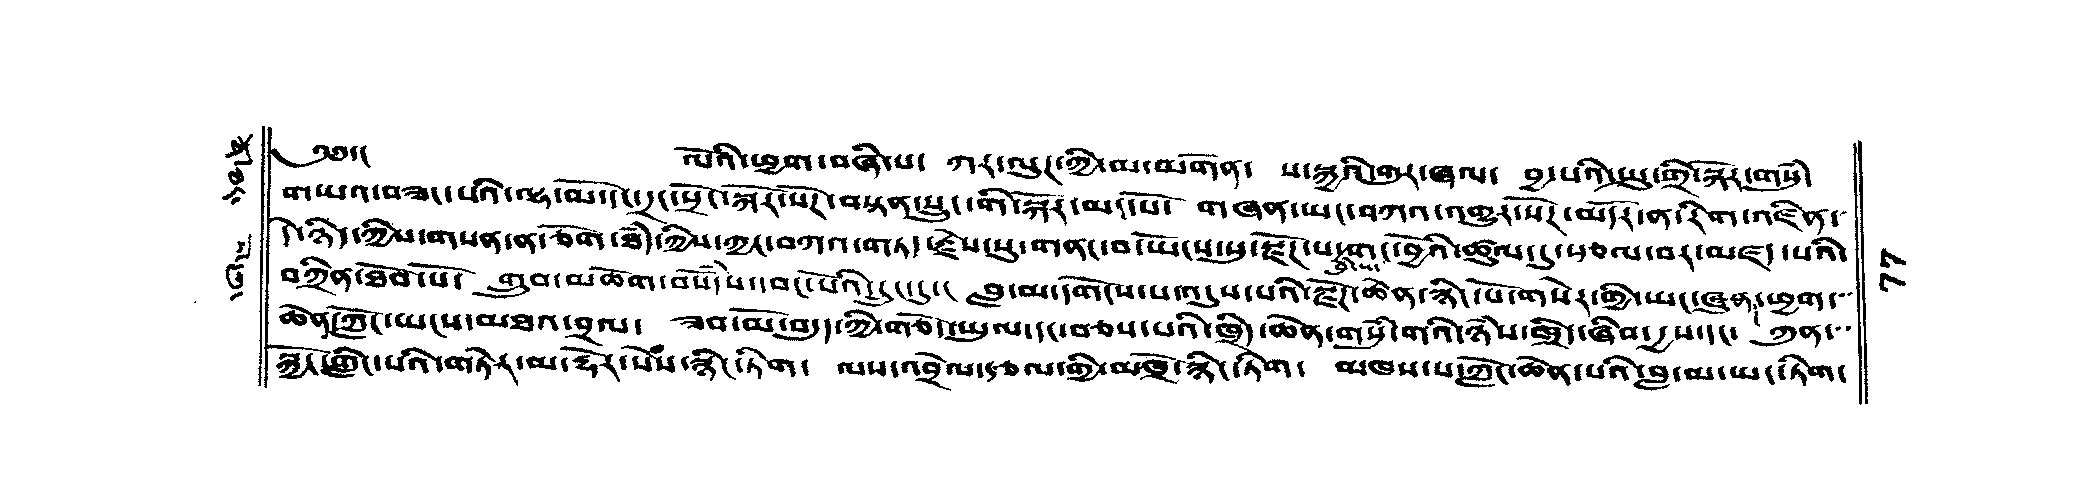ལོའི་ཕྱག་བཞི་པ། ཀར་ལུགས་ཀྱི་མ་མགོན། ས་སྐྱའི་གུར་ཞལ། བྱ་པའི་སྤུ་གྲི་སྐོར་གསུམ། 
གཡའ་བཟང་པའི་ལྷ་མོ་དང་དྲང་སྲོང་སྐོར་སོགས་བསྟན་སྲུང་གི་སྐོར་མང་པོ། གཞན་ཡང་བཀའ་འགྱུར་སོགས་མདོར་ནོ་རིག་འཛིན་
དེ་ཉིད་ཀྱིས་གསན་ན་ཅོག་ཐམས་ཅད་ཀྱིས་ཀྱང་བཀའ་གཏད་རྗེས་སུ་གནང་བ་ཡོངས་སུ་རྫོགས་པ་བུམ་པ་གང་བྱོའི་ཚུལ་དུ་སྩལ་བར་མཛད་པའི་
བཀའ་དྲིན་ཐོབ་བོ།གྲུབ་མཆོག་བསོད་ནམས་དབང་པོའི་དྲུང་དུ། བླ་མ་དགོངས་པ་འདུས་པའི་རྫོགས་ཆེན་སྙིང་པོ་གསེར་གྱི་ཡང་ཞུན་ཕྱག་
ཆེན་ཀློང་ཡངས་མཐའ་བྲལ། ཟབ་མོ་བདུད་ཀྱི་གཅོད་ཡུལ་དང་བཅས་པའི་ཁྲིད་ཆེན་གསུམ་གའི་ཉམས་ཁྲིད་ཞིབ་རྒྱས་དང་། ཀུན་
སྐྱོང་གླིང་པའི་གཏེར་མ་རྡོར་སེམས་སྙིང་ཏིག ལས་འབྲེལ་རྩལ་གྱི་མཁའ་འགྲོ་སྙིང་ཏིག མཁས་པ་ཀློང་ཆེན་པའི་བླ་མ་ཡང་ཏིག